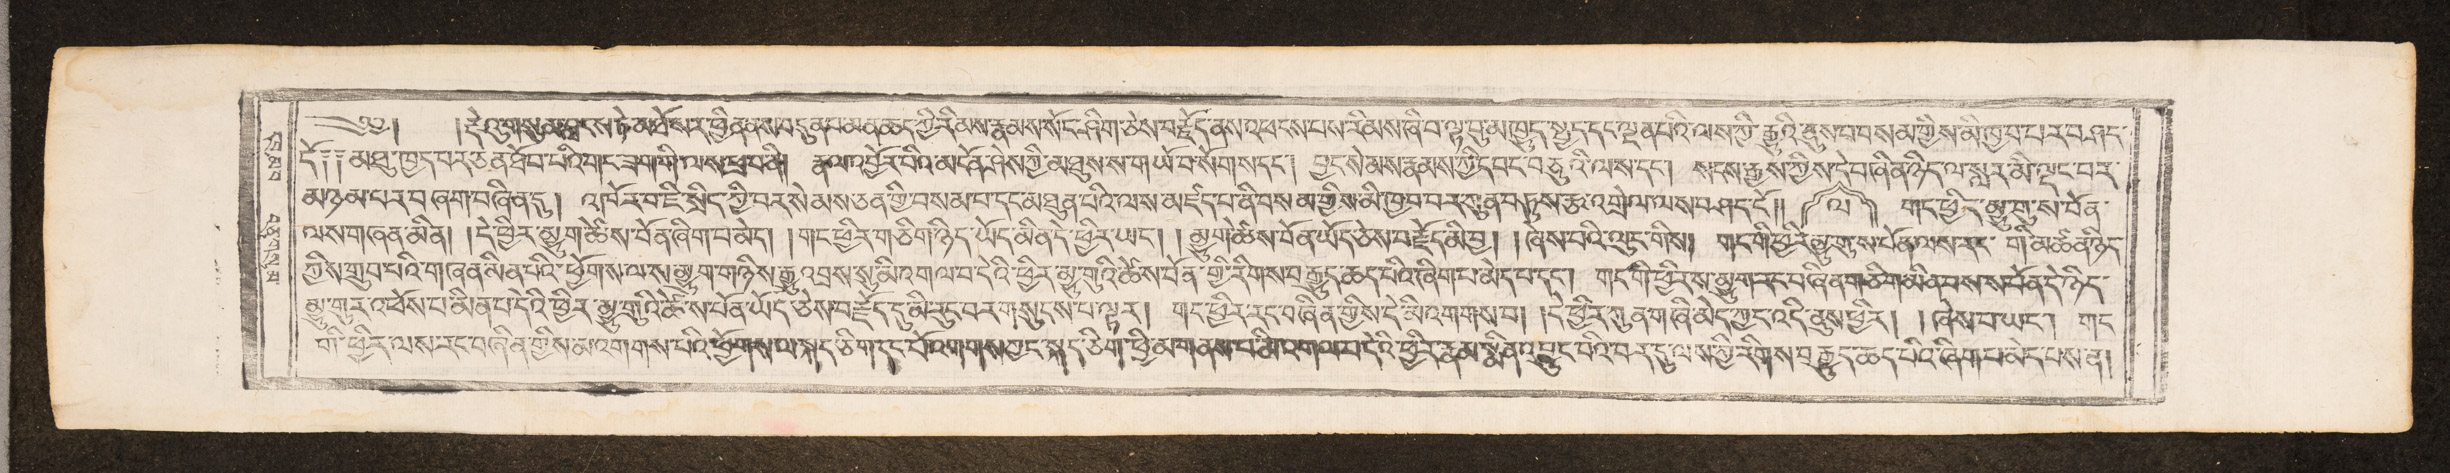༄༅། །རྡེའུ་གསུམ་བླངས་ཏེ་མཐོ་སར་ཕྱིན་ནས་བདུན་པ་མན་ཆད་ཀྱི་རིམས་རྣམས་སོང་ཤིག་ཅེས་བརྗོད་ནས་འཕངས་པས་རིམས་ཞི་བ་ལྟ་བུ་མ་ཁྱུད་སྤྱད་དང་ལྡན་པའི་ལས་ཀྱི་རྒྱུའི་ནུས་པ་བསམ་གྱིས་མི་ཁྱབ་པར་བཤད་
དོ༑༑ མཐུ་ཁྱད་པར་ཅན་ཐོབ་པའི་གང་ཟག་གི་ལས་ཕྲ་བ་ནི། རྣལ་འབྱོར་བའི་མངོན་ཤེས་ཀྱི་མཐུས་ས་གཡོ་བ་སོགས་དང་། བྱང་སེམས་རྣམས་ཀྱི་དབང་བཅུའི་ལས་དང་། སངས་རྒྱས་ཀྱིས་དེ་བཞིན་ཉིད་ལ་སླར་མི་ལྡང་བར་
མཉམ་པར་བཞག་བཞིན་དུ། འཁོར་བ་ཇི་སྲིད་ཀྱི་བར་སེམས་ཅན་གྱི་བསམ་པ་དང་མཐུན་པའི་ལས་མཛད་པ་ནི་བསམ་གྱིས་མི་ཁྱབ་པར་ཀུན་བཏུས་རྩ་འགྲེལ་ལས་བཤད་དོ།། ༼༽ལ༼༽ གང་ཕྱིར་མྱུ་གུ་ས་བོན་
ལས་གཞན་མིན། །དེ་ཕྱིར་མྱུག་ཚེ་ས་བོན་ཞིག་པ་མེད། །གང་ཕྱིར་གཅིག་ཉིད་ཡོད་མིན་དེ་ཕྱིར་ཡང་། །མྱུག་ཚེ་ས་བོན་ཡོང་ཅེས་བརྗོད་མི་བྱ། །ཞེས་པའི་ལུང་གིས། གང་གི་ཕྱིར་མྱུ་གུ་ས་བོན་ལས་རང་གི་མཚན་ཉིད་
ཀྱིས་གྲུབ་པའི་གཞན་མིན་པའི་ཕྱོགས་ལ་ས་མྱུག་གཉིས་རྒྱུ་འབྲས་སུ་མི་འགལ་བ་དེའི་ཕྱིར་མྱུ་བུའི་ཚེ་ས་བོན་གྱི་རིགས་བརྒྱུད་ཆད་པའི་ཞིག་པ་མེད་པ་དང་། གང་གི་ཕྱིར་ས་མྱུག་རང་བཞིན་གཅིག་མིན་པས་ས་བོན་དེ་ཉིད་
མྱུ་གུར་འཕོས་པ་མིན་པ་དེའི་ཕྱིར་མྱུ་གུའི་ཚེ་ས་བོན་ཡོང་ཅེས་བརྗོད་དུ་མི་རུང་བར་གསུངས་པ་ལྟར། གང་ཕྱིར་རང་བཞིན་གྱིས་དེ་མི་འགགས་པ། །དེ་ཕྱིར་ཀུན་གཞི་མེད་ཀྱང་འདི་ནུས་ཕྱིར། །ཞེས་པ་ཡང་། གང་
གི་ཕྱིར་ལས་རང་བཞིན་གྱིས་མ་འགགས་པའི་ཕྱོགས་ལ་སྐད་ཅིག་དང་པོ་འགགས་ཀྱང་སྐད་ཅིག་ཕྱི་མ་གནས་པ་མི་འགལ་བ་དེའི་ཕྱིར་རྣམ་སྨིན་འབྱུང་བའི་བར་དུ་ལས་ཀྱི་རིགས་བརྒྱུད་ཆད་པའི་ཞིག་པ་མེད་པས་ན།